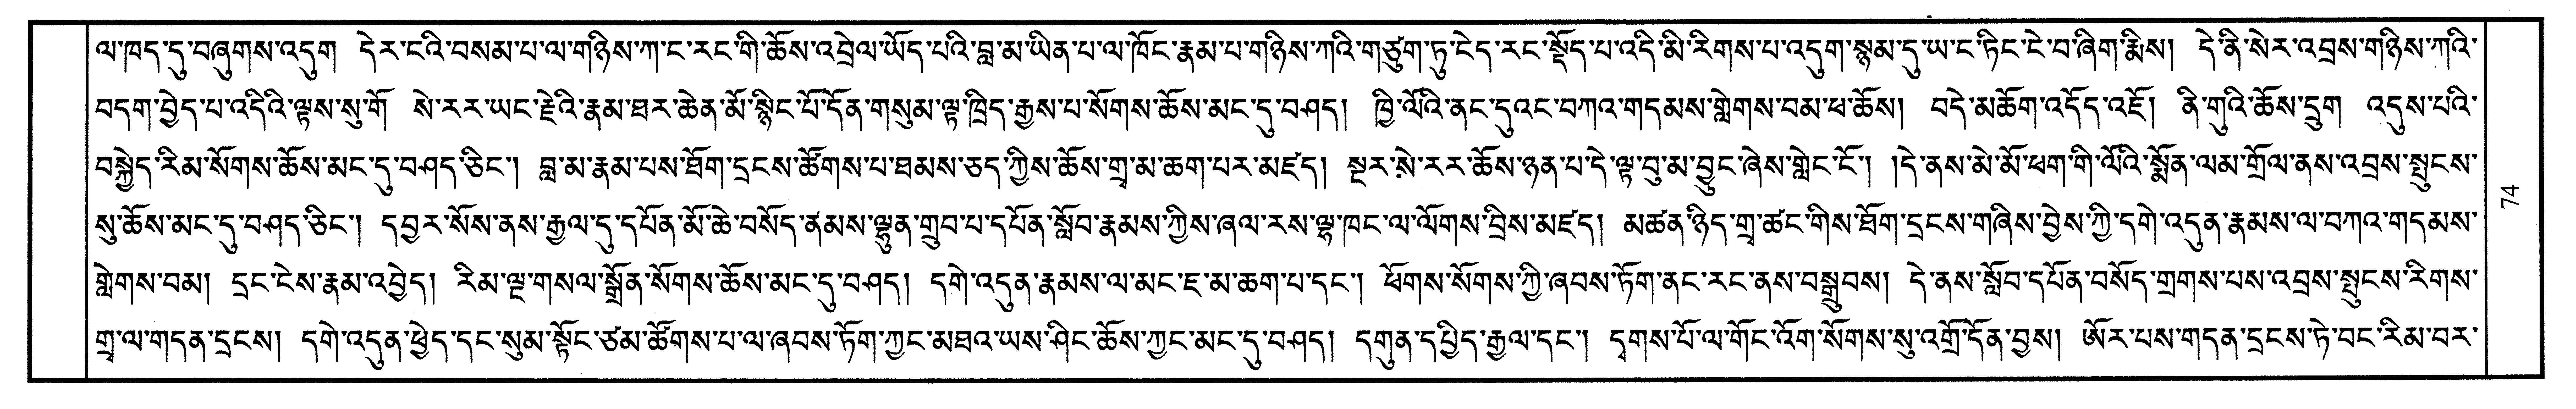ལ་ཁད་དུ་བཞུགས་འདུག་དེར་ངའི་བསམ་པ་ལ་གཉིས་ཀ་ང་རང་གི་ཆོས་འབྲེལ་ཡོད་པའི་བླ་མ་ཡིན་པ་ལ་ཁོང་རྣམ་པ་གཉིས་ཀའི་གཙུག་ཏུ་ངེད་རང་སྡོད་པ་འདི་མི་རིགས་པ་འདུག་སྙམ་དུ་ཡ་ང་ཏིང་ངེ་བ་ཞིག་རྨིས། དེ་ནི་སེར་འབྲས་གཉིས་ཀའི་
བདག་བྱེད་པ་འདིའི་ལྟས་སུ་གོ་སེ་རར་ཡང་རྗེའི་རྣམ་ཐར་ཆེན་མོ་སྙིང་པོ་དོན་གསུམ་ལྟ་ཁྲིད་རྒྱས་པ་སོགས་ཆོས་མང་དུ་བཤད། ཁྱི་ལོའི་ནང་དུའང་བཀའ་གདམས་གླེགས་བམ་ཕ་ཆོས། བདེ་མཆོག་འདོད་འཇོ། ནི་གུའི་ཆོས་དྲུག་འདུས་པའི་
བསྐྱེད་རིམ་སོགས་ཆོས་མང་དུ་བཤད་ཅིང་། བླ་མ་རྣམ་པས་ཐོག་དྲངས་ཚོགས་པ་ཐམས་ཅད་ཀྱིས་ཆོས་གྲྭ་མ་ཆག་པར་མཛད། སྔར་སེ་རར་ཆོས་ཉན་པ་དེ་ལྟ་བུ་མ་བྱུང་ཞེས་གླེང་ངོ། །དེ་ནས་མེ་མོ་ཕག་གི་ལོའི་སྨོན་ལམ་གྲོལ་ནས་འབྲས་སྤུངས་
སུ་ཆོས་མང་དུ་བཤད་ཅིང་། དབྱར་སོས་ནས་རྒྱལ་དུ་དཔོན་མོ་ཆེ་བསོད་ནམས་ལྷུན་གྲུབ་པ་དཔོན་སློབ་རྣམས་ཀྱིས་ཞལ་རས་ལྷ་ཁང་ལ་ལོགས་བྲིས་མཛད། མཚན་ཉིད་གྲྭ་ཚང་གིས་ཐོག་དྲངས་གཞིས་བྱེས་ཀྱི་དགེ་འདུན་རྣམས་ལ་བཀའ་གདམས་
གླེགས་བམ། དྲང་ངེས་རྣམ་འབྱེད། རིམ་ལྔ་གསལ་སྒྲོན་སོགས་ཆོས་མང་དུ་བཤད། དགེ་འདུན་རྣམས་ལ་མང་ཇ་མ་ཆག་པ་དང་། ཕོགས་སོགས་ཀྱི་ཞབས་ཏོག་ནང་རང་ནས་བསྒྲུབས། དེ་ནས་སློབ་དཔོན་བསོད་གྲགས་པས་འབྲས་སྤུངས་རིགས་
གྲྭ་ལ་གདན་དྲངས། དགེ་འདུན་ཕྱེད་དང་སུམ་སྟོང་ཙམ་ཚོགས་པ་ལ་ཞབས་ཏོག་ཀྱང་མཐའ་ཡས་ཤིང་ཆོས་ཀྱང་མང་དུ་བཤད། དགུན་དཔྱིད་རྒྱལ་དང་། དྭགས་པོ་ལ་གོང་འོག་སོགས་སུ་འགྲོ་དོན་བྱས། ཨོར་པས་གདན་དྲངས་ཏེ་བང་རིམ་བར་